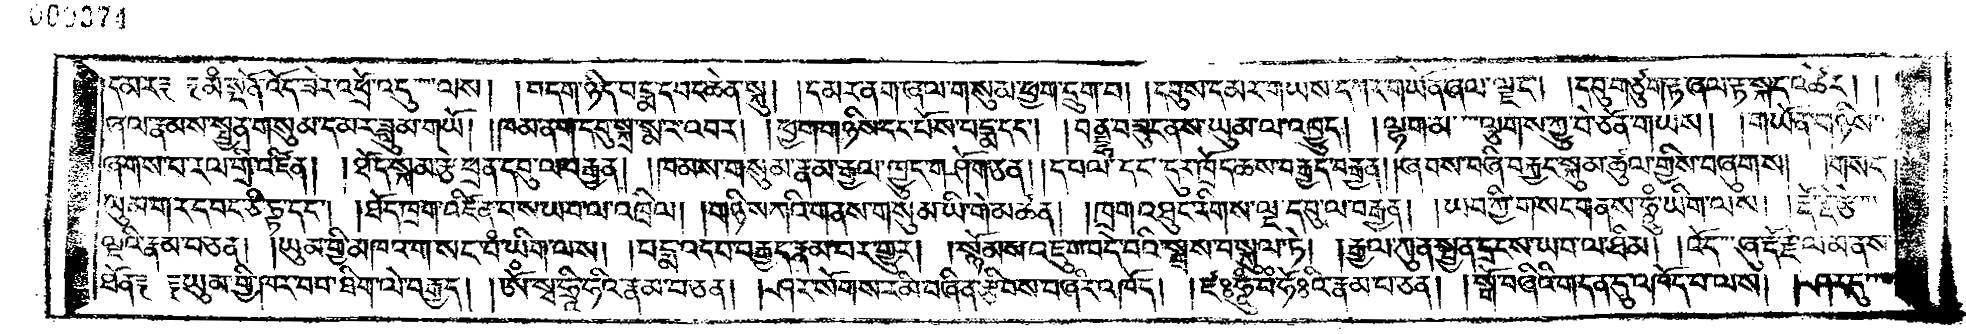དམར༑ ༑མཾ་སྔོན་འོད་ཟེར་འཕྲོ་འདུ་ལས། །བདག་ཉིད་པདམ་དབང་ཆེན་སྐུ། །དམར་ནག་ཞལ་གསུམ་ཕྱག་དྲུག་པ། །དབུས་དམར་གཡས་དཀར་གཡོན་ཞལ་ལྗང་། །དབུ་གཙུག་རྟ་ཞལ་རྟ་སྐད་འཚར། །
ཞལ་རྣམས་སྤྱན་གསུམ་དམར་ཟླུམ་གཡོ། །ཁམ་ནག་དབུ་སྐྲ་སྨ་ར་འབར། །ཕྱག་གཉིས་དང་པོས་པདམ་དང་། །བནྡྷ་བཟུང་ནས་ཡུམ་ལ་འཁྱུད། །ལྷག་མ་ལྕགས་ཀྱུ་བེ་ཅོན་གཡས། །གཡོན་གཉིས་
ཞགས་པ་རལ་གྲི་འཛིན། །ཐོད་སྐམ་རྩེ་ཕྲན་དབུ་ལ་བརྒྱན། །ཁམས་གསུམ་རྣམ་རྒྱལ་ཁྱུད་གཤོག་ཅན། །དཔལ་དང་དུར་ཁྲོད་ཆས་བརྒྱད་བརྒྱན། །ཞབས་བཞི་བརྐྱང་སྐུམ་ཚུལ་གྱིས་བཞུགས། །གསང་
ཡུམ་གར་དབང་ཙི་ཏྟ་དང་། །ཐོད་ཁྲག་འཛིན་པས་ཡབ་ལ་འཁྲིལ། །གཉིས་ཀའི་གནས་གསུམ་ཡི་གེ་མཚན། །ཁྲག་འཐུང་རིགས་ལྔ་དབུ་ལ་བརྒྱན། །ཡབ་ཀྱི་གསང་གནས་ཧཱུཾ་ཡིག་ལས། །རྡོ་རྗེ་རྩེ་
ལྔའི་རྣམ་པ་ཅན། །ཡུམ་གྱི་མཁའ་གསང་བཾ་ཡིག་ལས། །པདམ་འདབ་བརྒྱད་རྣམ་པར་གྱུར། །སྙོམས་འཇུག་བདེ་བའི་སྒྲས་བསྐུལ་ཏེ། །རྒྱལ་ཀུན་སྤྱན་དྲངས་ཡབ་ལ་ཐིམ། །འོད་ཞུ་རྡོ་རྗེ་ལམ་ནས་
ཐོན༑ ༑ཡུམ་གྱི་ཁར་བབ་ཐིག་ལེ་བརྒྱད། །ཨོཾ་སྭ་ཧྲཱི་ཧའི་རྣམ་པ་ཅན། །ཤར་སོགས་རིམ་བཞིན་རྩིབས་བཞིར་འཁོད། །ཛཿ ཧཱུཾ་བཾ་ཧོཿའི་རྣམ་པ་ཅན། །སྒོ་བཞིའི་གདན་དུ་འཁོད་པ་ལས། །ཤར་དུ་